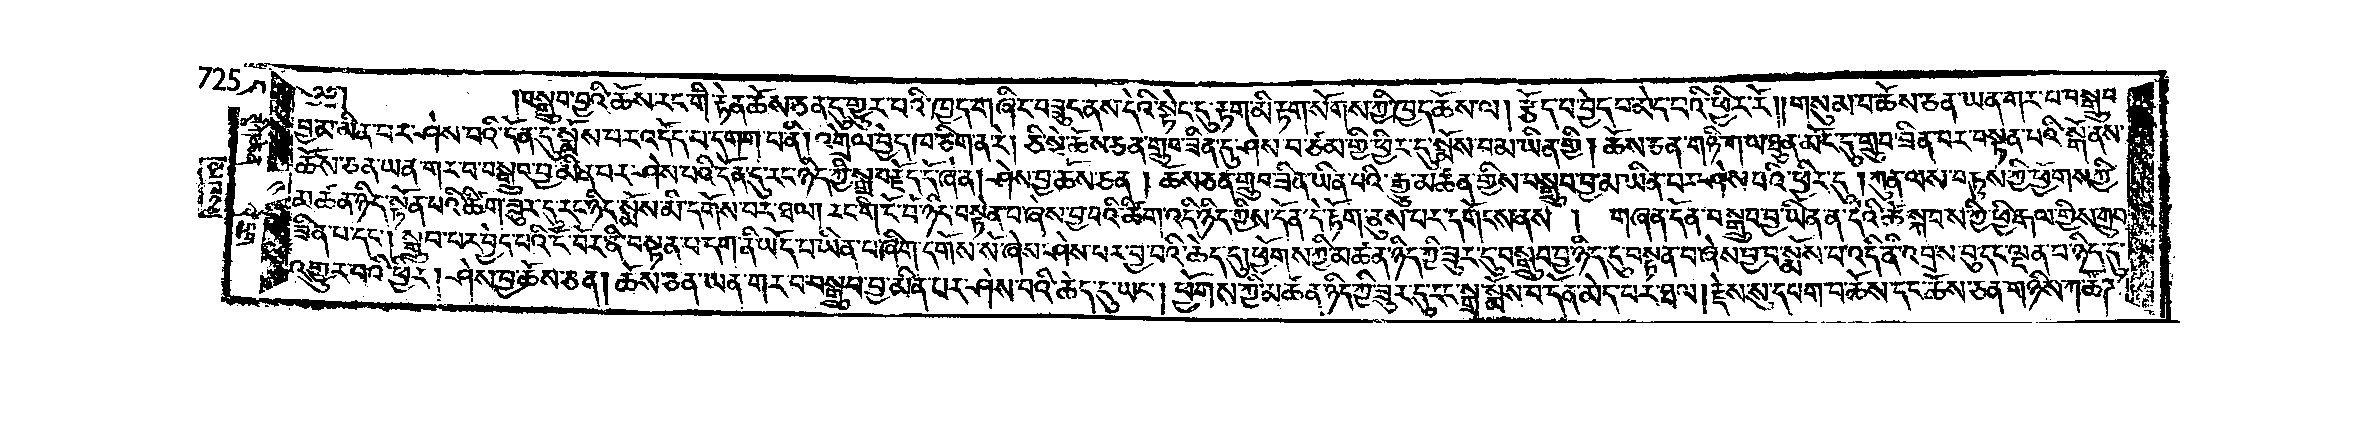༄༅། །བསྒྲུབ་བྱའི་ཆོས་རང་གི་རྟེན་ཆོས་ཅན་དུ་གྱུར་བའི་ཁྱད་གཞིང་བཟུང་ནས་དེའི་སྟེང་དུ་རྟག་མི་རྟག་སོགས་ཀྱི་ཁྱད་ཆོས་ལ། རྩོད་པ་བྱེད་པ་མེད་པའི་ཕྱིར་རོ། །གསུམ་པ་ཆོས་ཅན་ཡན་གར་བ་བསྒྲུབ་
བྱ་མ་མིན་པར་ཤེས་པའི་དོན་དུ་སྨོས་པར་འདོད་པ་དགག་པ་ནི། འགྲེལ་བྱེད་ཁ་ཅིག་ན་རེ། ཅི་སྟེ་ཆོས་ཅན་གྲུབ་ཟིན་དུ་ཤེས་པ་ཙམ་གྱི་ཕྱིར་དུ་སྨོས་པ་མ་ཡིན་གྱི། ཆོས་ཅན་གཉི་ག་ལ་ཐུན་མོང་དུ་གྲུབ་ཟིན་པར་བསྟན་པའི་སྒོ་ནས་
ཆོས་ཅན་ཡན་གར་བ་བསྒྲུབ་བྱ་མིན་པར་ཤེས་པའི་དོན་དུ་རང་ཉིད་ཀྱི་སྒྲ་བརྗོད་དོ་ཞེ་ན། ཤེས་བྱ་ཆོས་ཅན། ཆོས་ཅན་གྲུབ་ཟིན་ཡིན་པའི་རྒྱུ་མཚན་གྱིས་བསྒྲུབ་བྱ་མ་ཡིན་པར་ཤེས་པའི་ཕྱིར་དུ། ཀུན་ལས་བཏུས་ཀྱི་ཕྱོགས་ཀྱི་
མཚན་ཉིད་སྟོན་པའི་ཚིག་ཟུར་དུ་རང་ཉིད་སྨོས་མི་དགོས་པར་ཐལ། རང་གི་ངོ་བོ་ཉིད་བསྟེན་པ་ཞེས་བྱ་བའི་ཚིག་འདི་ཉིད་ཀྱིས་དོན་དེ་རྟོག་ནུས་པར་དགོངས་ནས། གཞན་དོན་བསྒྲུབ་བྱ་ཡིན་ན་དེའི་ཚེ་སྐབས་ཀྱི་ཕྱི་རྒོལ་གྱིས་གྲུབ་
ཟིན་པ་དང་། སྒྲུབ་པར་བྱེད་པའི་ངོ་བོར་ནི་བསྟན་པ་དག་ནི་ཡོད་པ་ཡིན་པ་ཞིག་དགོས་སོ་ཞེས་ཤེས་པར་བྱ་བའི་ཆེད་དུ། ཕྱོགས་ཀྱི་མཚན་ཉིད་ཀྱི་ཟུར་དུ་བསྒྲུབ་བྱ་ཉིད་དུ་བསྟན་པ་ཞེས་བྱ་བ་སྨོས་པ་འདི་ནི་འབྲས་བུ་དང་ལྡན་པ་ཉིད་དུ་
འགྱུར་བའི་ཕྱིར། ཤེས་བྱ་ཆོས་ཅན། ཆོས་ཅན་ཡན་གར་བ་བསྒྲུབ་བྱ་མིན་པར་ཤེས་པའི་ཆེད་དུ་ཡང་། ཕྱོགས་ཀྱི་མཚན་ཉིད་ཀྱི་ཟུར་དུ་རང་སྒྲ་སྨོས་པ་དོན་མེད་པར་ཐལ། རྗེས་སུ་དཔག་པ་ཆོས་དང་ཆོས་ཅན་གཉིས་ཀ་ཚོགས་